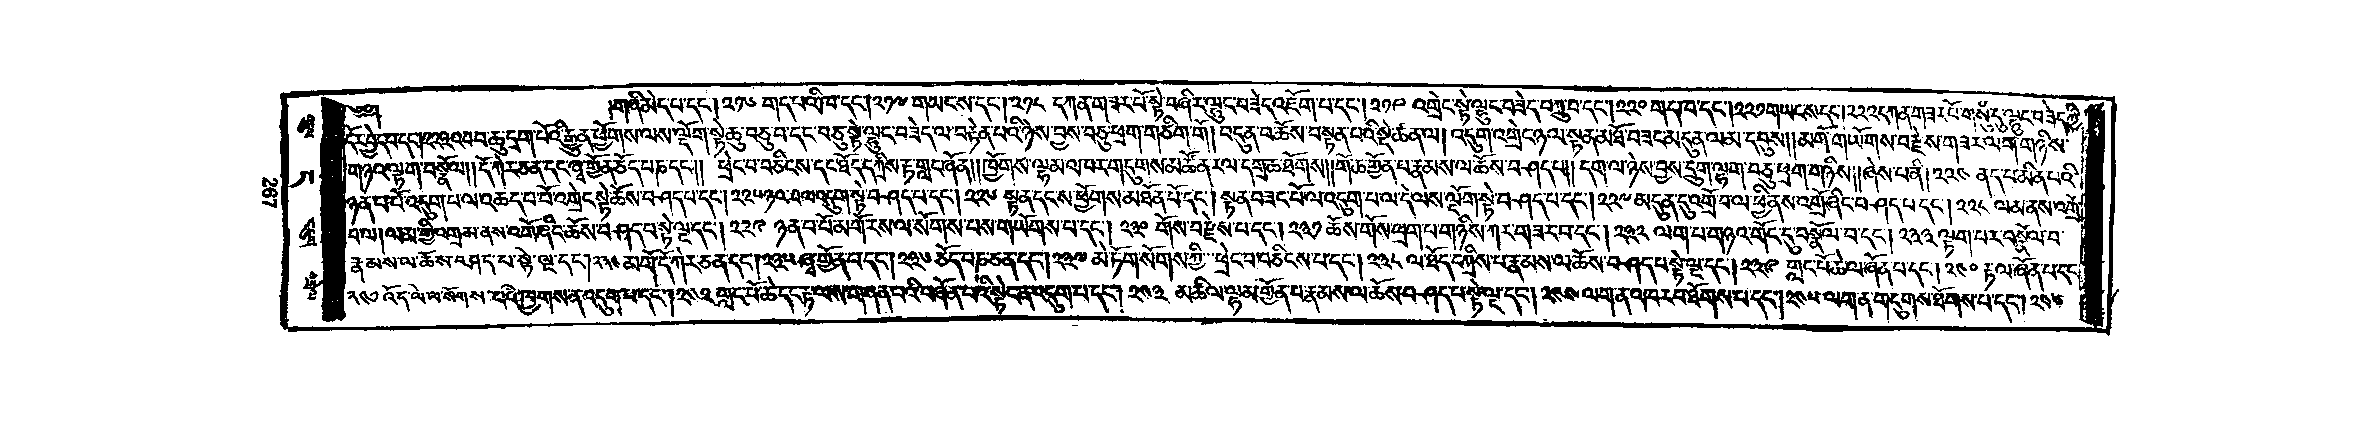༄༅། །གཞི་མེད་པ་དང་། གད་པའི་ཁ་དང་། གཡང་ས་དང་། དཀན་གཟར་པོ་སྟེ་བཞིར་ལྷུང་བཟེད་འཇོག་པ་དང་། འགྲེང་སྟེ་ལྷུང་བཟེད་བཀྲུ་བ་དང་། གད་ཁ་དང་། གཡང་ས་དང་། དཀན་གཟར་པོ་གསུམ་དུ་ལྷུང་བཟེད་ཀྱི་
དོར་བྱེད་པ་དང་། འབབ་ཆུ་དྲག་པོའི་རྒྱུན་ཕྱོགས་ལས་ལྡོག་སྟེ་ཆུ་བཅུ་བ་དང་བཅུ་སྟེ་ལྷུང་བཟེད་ལ་བརྟེན་པའི་ཉེས་བྱས་བཅུ་ཕྲག་གཅིག་གོ །བདུན་བ་ཆོས་བསྟན་པའི་སྡེ་ཚན་ལ། འདུག་འགྲེང་ཉལ་སྟན་མཐོ་བཟང་མདུན་ལམ་དབུས། །མགོ་གཡོགས་བརྫེས་གཟར་ལག་གཉིས་
གཉའ་ལྟག་བསྣོལ། །དོ་ཀེར་ཅན་དང་ཞྭ་གྱོན་ཅོད་པཎ་དང་། །ཕྲེང་བ་བཅིངས་དང་ཐོད་དཀྲིས་རྟ་གླང་ཞོན། །ཁྱོགས་ལྷམ་འཁར་གདུགས་མཚོན་རལ་དགྲ་ཆ་ཐོགས། །གོ་ཆ་གྱོན་པ་རྣམས་ལ་ཆོས་བཤད་པ། །དག་ལ་ཉེས་བྱས་དྲུག་ལྷག་བཅུ་ཕྲག་གཉིས། །ཞེས་པ་ནི། ནད་པ་མིན་པའི་
ཉན་པ་པོ་འདུག་པ་ལ་འཆད་པ་པོ་འགྲེང་སྟེ་ཆོས་བཤད་པ་དང་། ཉལ་བལ་འདུག་སྟེ་བཤད་པ་དང་། སྟན་དང་ས་ཕྱོགས་མཐོན་པོ་དང་། སྟན་བཟང་པོ་ལ་འདུག་པ་ལ་དེ་ལས་ལྡོག་སྟེ་བཤད་པ་དང་། མདུན་དུ་འགྲོ་བ་ལ་ཕྱི་ནས་འགྲོ་ཞིང་བཤད་པ་དང་། ལམ་ནས་འགྲོ་
བ་ལ། ལམ་གྱི་འགྲམ་ནས་འགོ་ཞིང་ཆོས་བཤད་པ་སྟེ་ལྔ་དང་། ཉན་པ་པོ་མགོ་རས་ལ་སོགས་པས་གཡོགས་པ་དང་། གོས་བརྫེས་པ་དང་། ཆོས་གོས་ཕྲག་པ་གཉིས་ཀར་གཟར་བ་དང་། ལག་པ་གཉའ་གོང་དུ་བསྣོལ་བ་དང་། ལྟག་པར་བསྣོལ་བ་
རྣམས་ལ་ཆོས་བཤད་པ་སྟེ་ལྔ་དང་། མགོ་དོ་ཀེར་ཅན་དང་། ཞྭ་གྱོན་པ་དང་། ཅོད་པཎ་ཅན་དང་། མེ་ཏོག་སོགས་ཀྱི་ཕྲེང་བ་བཅིངས་པ་དང་། ལ་ཐོད་དཀྲིས་པ་རྣམས་ལ་ཆོས་བཤད་པ་སྟེ་ལྔ་དང་། གླང་པོ་ཆེ་ལ་ཞོན་པ་དང་། རྟ་ལ་ཞོན་པ་དང་
འོད་ལེ་ལ་སོགས་པའི་ཁྱགས་ན་འདུག་པ་དང་། གླང་པོ་ཆེ་དང་རྟ་ལས་གཞན་པའི་བཞོན་པའི་སྟེང་ན་འདུག་པ་དང་། མཆིལ་ལྷམ་གྱོན་པ་རྣམས་ལ་ཆོས་བཤད་པ་སྟེ་ལྔ་དང་། ལག་ན་འཁར་བ་ཐོགས་པ་དང་། ལག་ན་གདུགས་ཐོགས་པ་དང་།